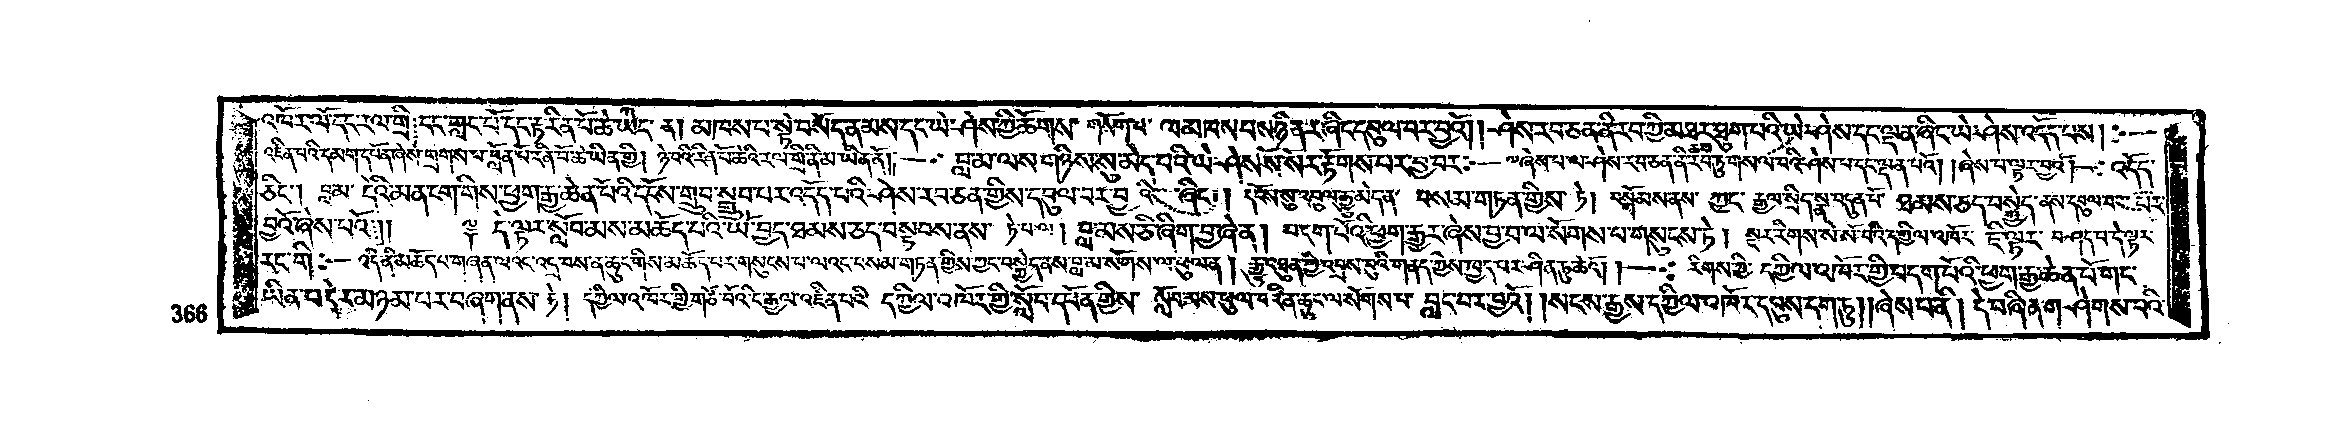འཁོར་ལོ་དང་རལ་གྲི་དང་གླང་པོ་དང་རྟ་རིན་པོ་ཆེ་ཀ་ཡང་ན། མཁས་པ་སྟེ་བསོད་ནམས་དང་ཡེ་ཤེས་ཀྱི་ཚོགས་གསོག་པ་ལ་མཁས་པས་ཉིན་རེ་ཞིང་དབུལ་བར་བྱའོ། །ཤེས་རབ་ཅན་ནི་རབ་ཀྱི་མཐར་ཐུག་པའི་ཡེ་ཤེས་དང་ལྡན་ཞིང་ཡེ་ཤེས་འདོད་པས།H.
འཛིན་པའི་དམག་དཔོན་ཞེས་གྲགས་པ་བློན་པོ་རིན་པོ་ཆེ་ཡིན་གྱི། ཉེ་བའི་རིན་པོ་ཆེའི་རལ་གྲི་ནི་མ་ཡིན་ནོ།། .H བླ་མ་ལས་གཉིས་སུ་མེད་པའི་ཡེ་ཤེས་སོ་སོར་རྟོགས་པར་བྱ་བརཿ་༧ཞེས་པ་ལ་ཤེས་རབ་ཅན་ནི་ཆག་རབ་ཏུ་གསལ་བའི་ཤེས་པ་དང་ལྡན་པའོ། །ཞེས་པ་ལྟར་བྱའོ།  .Hའདོད་
ཅིང་། བླ་མ་དེའི་མན་ངག་གིས་ཕྱག་རྒྱ་ཆེན་པོའི་དངོས་གྲུབ་སྒྲུབ་པར་འདོད་པའི་ཤེས་རབ་ཅན་གྱིས་དབུལ་བར་བྱའི་ཞིང་། དངོས་སུ་འབུལ་རྒྱུ་མེད་ན་བསམ་གཏན་གྱིས་ཏེ། བསྒོམས་ནས་ཀྱང་རྒྱལ་སྲིད་སྣ་བདུན་པོ་ཐམས་ཅད་བསྐྱེད་ནས་དབུལ་བ་པར་
བྱའོ་ཞེས་པའོ།། ༈ དེ་ལྟར་སློབ་མས་མཆོད་པའི་ཡོ་བྱད་ཐམས་ཅད་བསྟབས་ནས་ཏེ་པ་ལ། བླ་མས་ཅི་ཞིག་བྱ་ཞེ་ན། བདག་པོའི་ཕྱག་རྒྱར་ཞེས་བྱ་བ་ལ་སོགས་པ་གསུངས་ཏེ། སྔར་རིགས་སོ་སོ་བའི་དཀྱིལ་འཁོར་ཇི་ལྟར་བཤད་པ་དེ་ལྟར
རང་གིཿ་འདི་ནི་མཆོད་པ་གཞན་ལའང་འདྲ་བས་ན་ཆུང་གིས་མཆོད་པར་གསུངས་པ་ལའང་བསམ་གཏན་གྱིས་ཀྱང་བསྐྱེད་ནས་བླ་མ་སོགས་ལ་ཕུལ་ན། རྒྱུ་འཐུན་གྱི་འབྲས་བུའི་གནད་ཀྱིས་ཁྱད་པར་ཤིན་ཏུ་ཆེའོ། །.H རིགས་ཀྱི་དཀྱིལ་འཁོར་གྱི་བདག་པོའི་ཕྱག་རྒྱ་ཆེན་པོ་གང་
ཡིན་པ་དེར་མཉམ་པར་བཞག་ནས་ཏེ། དཀྱིལ་འཁོར་གྱི་གཙོ་བོའི་ང་རྒྱལ་འཛིན་པའི་དཀྱིལ་འཁོར་གྱི་སློབ་དཔོན་གྱིས་སློབ་མས་ཕུལ་བའི་ན་ཆུང་ལ་སོགས་པ་བླང་བར་བྱའོ། །སངས་རྒྱས་དཀྱིལ་འཁོར་དབུས་དག་ཏུ། །ཞེས་པ་ནི། དེ་བཞིན་གཤེགས་པའི་